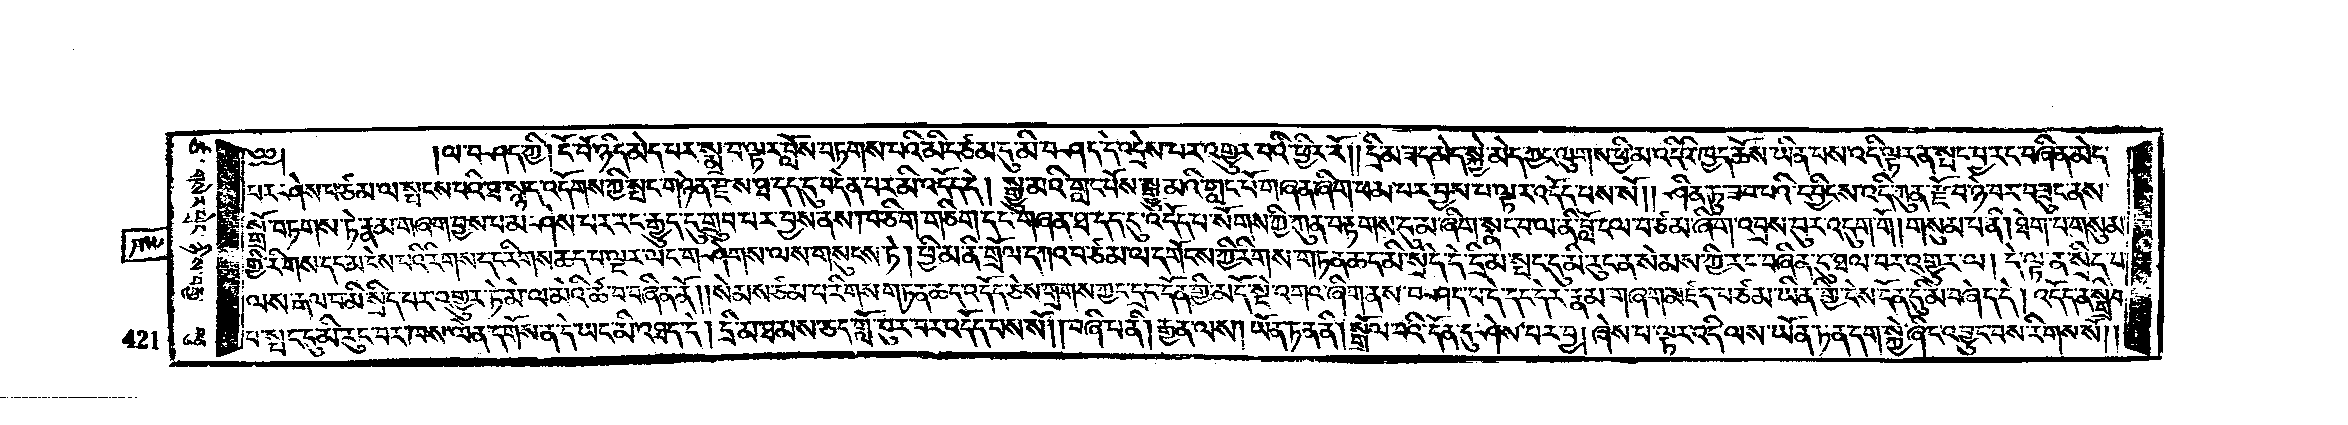༄༅། །ལ་བཤད་ཀྱི། ངོ་བོ་ཉིད་མེད་པར་སྨྲ་བ་ལྟར་བློས་བཏགས་པའི་མིང་ཙམ་དུ་མི་བཤད་དེ་འདྲེས་པར་འགྱུར་བའི་ཕྱིར་རོ། །དྲི་མ་ཟད་མེད་སྐྱེ་མེད་ཀྱང་ལུགས་ཕྱི་མ་འདིའི་ཁྱད་ཆོས་ཡིན་པས་འདི་ལྟར་ན་སྤང་བྱ་རང་བཞིན་མེད་
པར་ཤེས་པ་ཙམ་ལ་སྤངས་པའི་ཐ་སྙད་འདོགས་ཀྱི་སྤང་གཉེན་རྫས་ཐ་དད་དུ་བདེན་པར་མི་འདོད་དེ། སྒྱུ་མའི་གླང་པོས་སྒྱུ་མའི་གླང་པོ་གཞན་ཞིག་ཕམ་པར་བྱས་པ་ལྟར་འདོད་པས་སོ། །ཤིན་ཏུ་ཟབ་པའི་དབྱིངས་འདི་ཀུན་རྫོབ་ཉེ་བར་བཟུང་ནས་
སྒྲོ་བཏགས་ཏེ་རྣམ་གཞག་བྱས་པ་མ་ཤེས་པར་རང་རྒྱུད་དུ་གྲུབ་པར་བྱས་ནས་ཁ་ཅིག་གཅིག་དང་གཞན་ཐ་དད་དུ་འདོད་པ་སོགས་ཀྱི་ཀུན་བརྟགས་དུ་མ་ཞིག་སྣང་བ་ལ་ནི་བློ་ངལ་བ་ཙམ་ཞིག་འབྲས་བུར་འདུག་གོ །གསུམ་པ་ནི། ཐེག་པ་གསུམ་
གྱི་རིགས་དང་མ་ངེས་པའི་རིགས་དང་རིགས་ཆད་པ་ལྔར་ལང་གཤེགས་ལས་གསུངས་ཏེ། ཕྱི་མ་ནི་གྲོལ་དཀའ་བ་ཙམ་ལ་དགོངས་ཀྱི་རིགས་གཏན་ཆད་མི་སྲིད་དེ་དྲི་མ་སྤང་དུ་མི་རུང་ན་སེམས་ཀྱི་རང་བཞིན་དུ་ཐལ་བར་འགྱུར་ལ། དེ་ལྟ་ན་སྲིད་པ་
ལས་རྒལ་བ་མི་སྲིད་པར་འགྱུར་ཏེ་མེ་ལ་མེའི་ཚ་བ་བཞིན་ནོ། །སེམས་ཙམ་པ་རིགས་གཏན་ཆད་འདོད་ཅེས་གྲགས་ཀྱང་དྲང་དོན་གྱི་མདོ་སྡེ་འགའ་ཞིག་ནས་བཤད་པ་དེ་དང་དེར་རྣམ་གཞག་མཛད་པ་ཙམ་ཡིན་གྱི་ངེས་དོན་དུ་མི་བཞེད་དེ། འདོད་ན་སྒྲིག་
པ་སྤང་དུ་མི་རུང་བར་ཁས་ལེན་དགོས་ན་དེ་ཡང་མི་འཐད་དེ། དྲི་མ་ཐམས་ཅད་གློ་བུར་བར་འདོད་པས་སོ། །བཞི་པ་ནི། རྒྱན་ལས། ཡོན་ཏན་ནི། སྒྲོལ་བའི་དོན་དུ་ཤེས་པར་བྱ། ཞེས་པ་ལྟར་འདི་ལས་ཡོན་ཏན་དག་སྐྱེ་ཞིང་འབྱུང་བས་རིགས་སོ། །